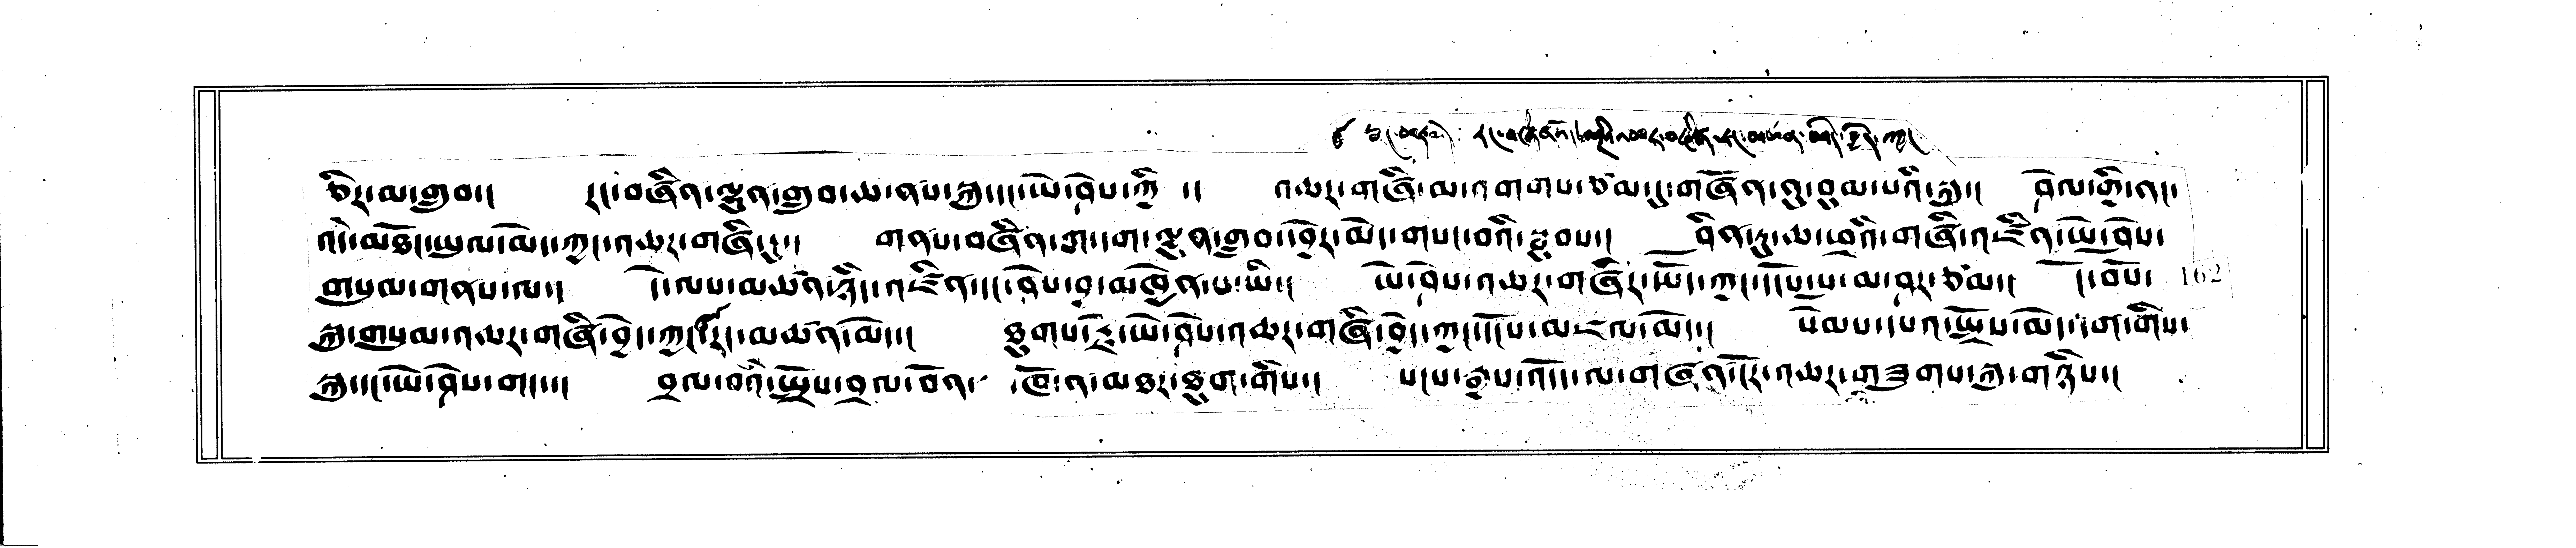ཅིར་མ་གྲུབ། །རང་བཞིན་ལྷུན་གྲུབ་ཆ་ནས་སྐུ་དང་ཡེ་ཤེས་ཀྱི། །འཆར་གཞི་མ་འགག་ཙམ་དུ་གཞོན་ནུ་བུམ་པའི་སྐུ། །ཤེལ་གྱི་ནང་
ནས་མཐོང་ཡུལ་མེད་ཀྱང་འཆར་གཞི་རུ། །གནས་བཞིན་ཀ་དག་ལྷུན་གྲུབ་དབྱེར་མེད་གསང་བའི་སྦུབས། །ཤིན་ཏུ་ཆ་ཕྲའི་གཞི་འཛིན་ཡེ་ཤེས་
གསུམ་གནས་ལ། །དེ་ལས་མཚན་ཉིད་འཛིན་དང་ཤེས་བྱ་མཁྱེན་པ་ཡི། །ཡེ་ཤེས་འཆར་གཞིར་ཡོད་ཀྱང་དངོས་སུ་མ་ཤར་ཙམ། །དེ་བོས་
སྐུ་གསུམ་འཆར་གཞི་བྱེད་ཀྱང་སྣང་ཆར་མེད། །ཐུགས་རྗེ་ཡེ་ཤེས་འཆར་གཞི་བྱེད་ཀྱང་དངོས་མཇལ་མེད། །སེམས་དཔའ་སྤྲོས་མེད་དག་གིས་
སྐུ་དང་ཡེ་ཤེས་གདངས། །བྲལ་བའི་སྤྲོས་བྲལ་བོན་ཉིད་ཁོ་ན་མཐར་ཐུག་གིས། །སངས་རྒྱས་འདོད་ལ་གཞན་ངོར་འཆར་བའི་གཟུགས་སྐུ་གཉིས། །